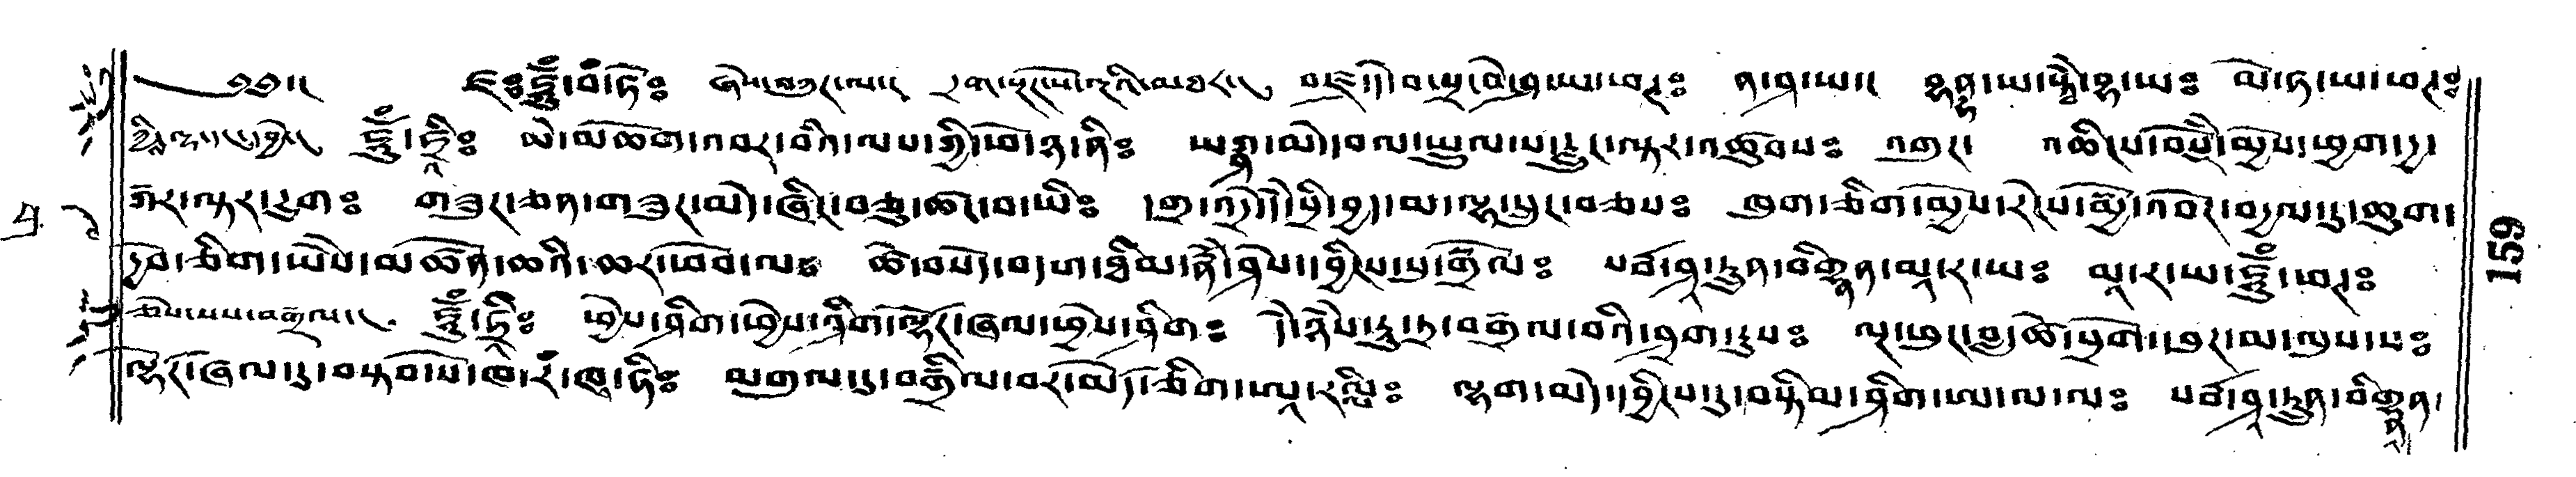ཛ༔ཧཱུྃ་བཾ་ཧོ༔ ཞེས་བཀུགས་ལ། དྲག་སྔགས་སོ་ལྔའི་མཐར། བཛྲ་དེ་བ་པྲ་བེ་ཤ་ཡ་ཕཊ༔ ན་ཤ་ཡ། བྷནྡྷ་ཡ་སྟྭཾ་བྷ་ཡ༔ མོ་ཧ་ཡ་ཕཊཿ 
ཀྱིས་ལྷ་དང་དབྱེ། ཧཱུྃ་ཧྲཱི༔ ཆེ་མཆོག་འབར་བའི་ལས་ཀྱི་ཕོ་ཉ་ནི༔ ཡཀྴ་མེ་དབལ་སྤྲུལ་པ་རླུང་ལྟར་འཚུབས༔ འགུགས་ འཆིང་བསྡོམ་མྱོས་ཕྱག་རྒྱ་
སྐར་ལྟར་རྒྱུག༔ གཟུགས་ཅན་གཟུགས་མེད་ཞིང་བཅུ་ཚང་བ་ཡི༔དགྲ་འདྲེ་དམ་སྲི་བྱད་མ་ལྷ་སྲུང་བཅས༔ ཁུག་ཅིག་མྱོས་རེངས་སྨྱོ་འབོག་བརྒྱལ་དུ་ཆུག༔ 
རྒྱོབ་ཅིག་ཡེ་ཤེས་མཚོན་ཆའི་ཆར་ཕོབ་ལ༔ ཚེ་བསོད་བདག་ཐིམ་རྣམ་ཤེས་དབྱིངས་སུ་སྒྲོལ༔ སརྦ་ཤཱ་ཏྲུན་བིགྷྣན་མཱ་ར་ཡ༔ མཱ་ར་ཡ་ཧཱུྃ་ཕཊ༔ 
ཅེས་པས་བསྒྲལ། ཧཱུྃ་ཧྲཱི༔ ཕྱེས་ཤིག་ཕྱེས་ཤིག་ལྷ་ཚོགས་ཞལ་ཕྱེས་ཤིག༔ དམ་ཉམས་རཱུ་ཏྲ་བསྒྲལ་བའི་ཤ་ཁྲག་རུས༔ ལྔ་ཕུང་བླ་ཚེ་སྲོག་དབུགས་མ་ལུས་པ༔ 
ལྷ་ཚོགས་ཞལ་དུ་བསྟབས་པོ་ཁ་རཾ་ཁཱ་ཧི༔ མགུལ་དུ་བསྒྲིལ་བར་མཛོད་ཅིག་ཨཱ་རལླི༔ ལྷག་མེད་དབྱིངས་དུ་སྟིམས་ཤིག་ཨ་ལ་ལ༔ སརྦ་ཤཱ་ཏྲུན་བིགྷྣན་